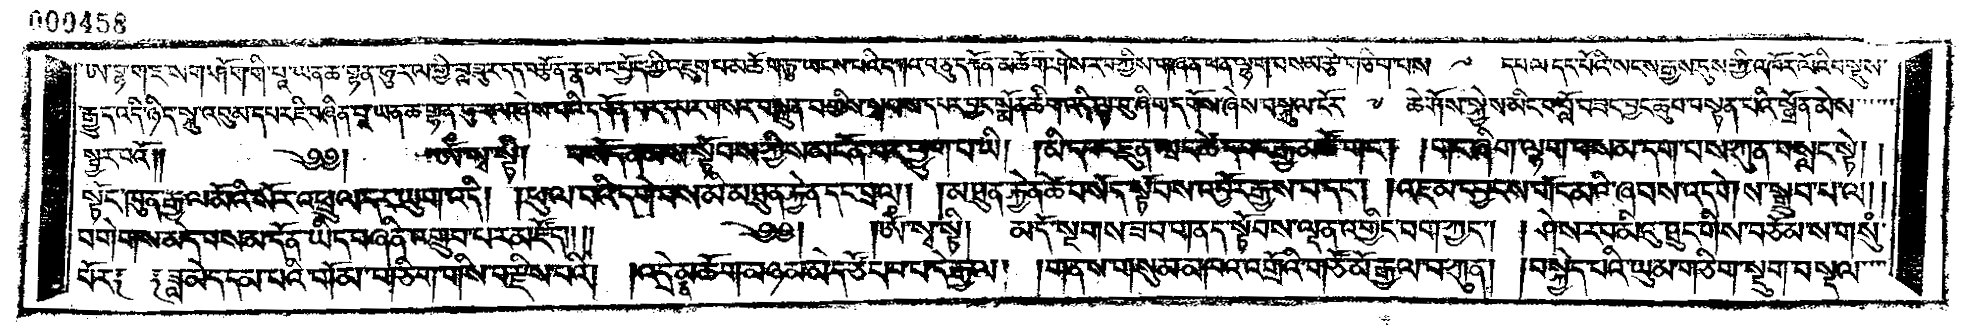ཨ་བྷ་ག་ཇ་སག་ཤོག་གི་བཱ་ཡན་ཆ་གྷན་ཧུ་རལ་གྱི་བླ་ཟུར་དད་བརྩོན་རྣམ་དཔྱོད་ཀྱི་འཇུག་པ་མཆོག་ཏུ་ཡངས་པའི་དཀའ་བཅུ་དཀོན་མཆོག་ཤེས་རབ་ཀྱིས་གཞན་ཕན་ལྷག་བསམ་རྩེ་གཅིག་པས་༧་དཔལ་དང་པོའི་སངས་རྒྱས་དུས་ཀྱི་འཁོར་ལོའི་བསྡུས་
རྒྱུད་འདི་ཉིད་སྐུ་འབུམ་དཔར་ཇི་བཞིན་པཱ་ཡན་ཆ་གྷན་ཧུ་རལ་ཞེས་པའི་དགོན་པར་དཔར་གསར་བསྐྲུན་བགྱིས་སྐབས་དཔར་བྱང་སྨོན་ཚིག་འདི་ལྟ་བུ་ཞིག་དགོས་ཞེས་བསྐུལ་ངོར་༧་ཆེ་ཤོས་སྐྱེས་མིང་བ་བློ་བཟང་བྱང་ཆུབ་བསྟན་པའི་སྒྲོན་མེས་
སྦྱར་བའོ། ། ༄༅། །ཨོཾ་སྭ་སྟི། བསོད་ནམས་སྟོབས་ཀྱིས་མངོན་པར་ཕྱུག་པ་ཡི། །མི་དབང་ཇུན་ཝང་ཚེ་དབང་རྒྱ་མཚོ་གང་། །གང་ཞིག་ལྷག་བསམ་དག་པས་ཀུན་བསླང་སྟེ། །
སྟོང་ཁུན་རྒྱལ་མོའི་སོར་འཕྲུལ་དར་ཡུག་འདི། །ཕུལ་བའི་དགེ་བས་མི་མཐུན་རྐྱེན་དང་བྲལ། །མཐུན་རྐྱེན་ཚེ་བསོད་སྟོབས་འབྱོར་རྒྱས་པ་དང་། །འཇམ་དབྱངས་གོང་མའི་ཞབས་འདེགས་སྒྲུབ་པ་ལ། །
བགེགས་མེད་བསམ་དོན་ཡིད་བཞིན་འགྲུབ་པར་མཛོད།། །། ༄༅། །ཨོཾ་སྭ་སྟི། མདོ་སྔགས་ཟབ་གནད་སྟོབས་ལྡན་འགྱིང་བག་ཀྱང་། །ཤེས་རབ་མིའུ་ཐུང་གིས་བཅོམ་ས་གསུམ་
པོར། །ཟླ་མེད་དམ་པའི་གོམ་གཅིག་གིས་བརྫིས་པའི། །འདྲེན་མཆོག་མཉམ་མེད་ཙོང་ཁ་པ་དེ་རྒྱལ། །གནས་གསུམ་མཁའ་འགྲོའི་གཙོ་མོ་རྒྱལ་བ་ཀུན། །བསྐྱེད་པའི་ཡུམ་གཅིག་སྡུག་བསྔལ་